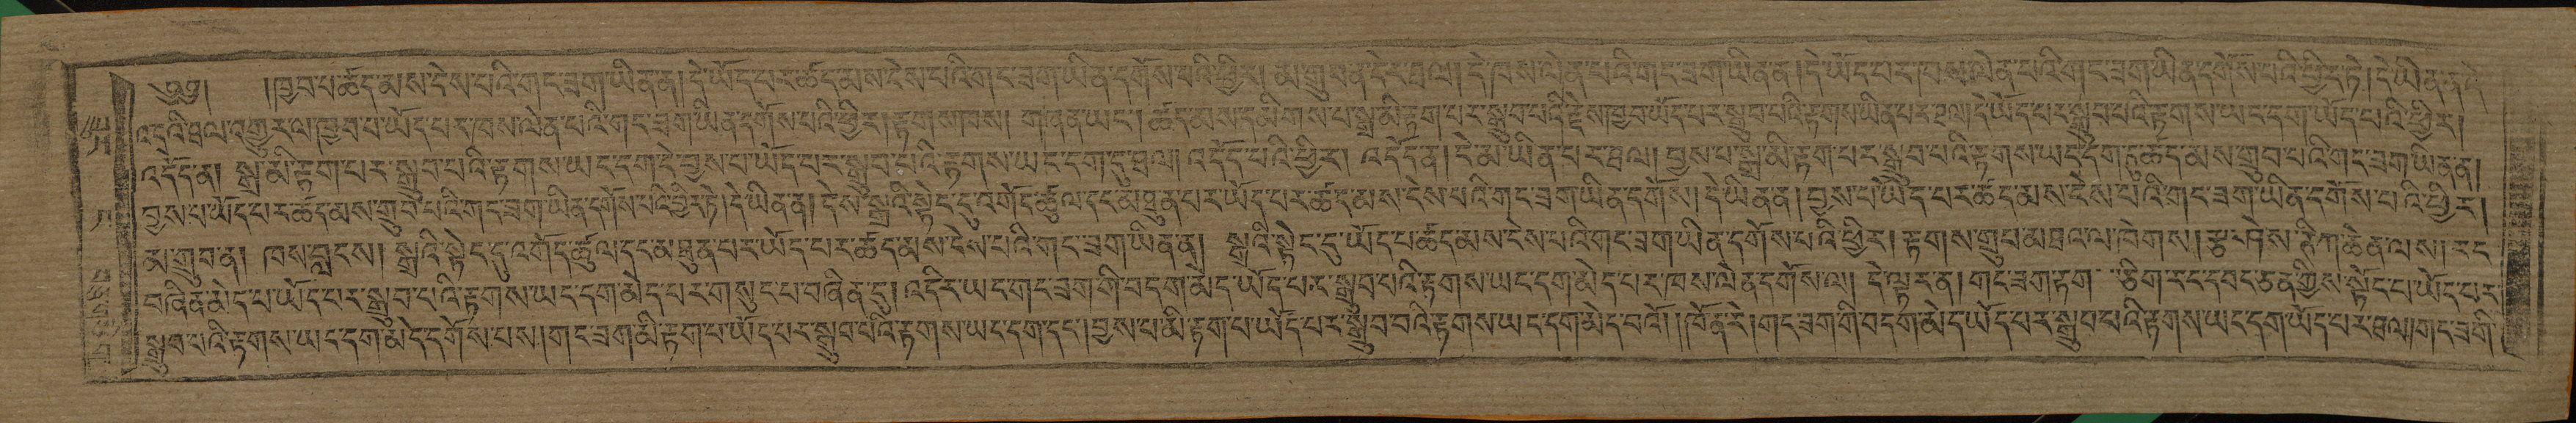༄༅། །ཁྱབ་པ་ཚད་མས་ངེས་པའི་གང་ཟག་ཡིན་ན། དེ་ཡོད་པར་ཚད་མས་ངེས་པའི་གང་ཟག་ཡིན་དགོས་པའི་ཕྱིར། མ་གྲུབ་ན་དེར་ཐལ། དེ་ཁས་ལེན་པའི་གང་ཟག་ཡིན་ན། དེ་ཡོད་པར་ཁས་ལེན་པའི་གང་ཟག་ཡིན་དགོས་པའི་ཕྱིར་ཏེ། དེ་ཡིན་ན་དེ་
འདྲའི་ཐལ་འགྱུར་ལ་ཁྱབ་པ་ཡོད་པར་ཁས་ལེན་པའི་གང་ཟག་ཡིན་དགོས་པའི་ཕྱིར། རྟགས་ཁས། གཞན་ཡང་། ཚད་མས་དམིགས་པ་སྒྲ་མི་རྟག་པར་སྒྲུབ་པའི་རྗེས་ཁྱབ་ཡོད་པར་སྒྲུབ་པའི་རྟགས་ཡིན་པར་ཐལ། དེ་ཡོད་པར་སྒྲུབ་པའི་རྟགས་ཡང་དག་ཡོད་པའི་ཕྱིར།
འདོད་ན། སྒྲ་མི་རྟག་པར་སྒྲུབ་པའི་རྟགས་ཡང་དག་དེ་བྱས་པ་ཡོད་པར་སྒྲུབ་པའི་རྟགས་ཡང་དག་དུ་ཐལ། འདོད་པའི་ཕྱིར། འདོད་ན། དེ་མ་ཡིན་པར་ཐལ། བྱས་པ་སྒྲ་མི་རྟག་པར་སྒྲུབ་པའི་རྟགས་ཡང་དག་དུ་ཚད་མས་གྲུབ་པའི་གང་ཟག་ཡིན་ན།
བྱས་པ་ཡོད་པར་ཚད་མས་གྲུབ་པའི་གང་ཟག་ཡིན་དགོས་པའི་ཕྱིར་ཏེ། དེ་ཡིན་ན། དེས་སྒྲའི་སྟེང་དུ་འགོད་ཚུལ་དང་མཐུན་པར་ཡོད་པར་ཚད་མས་ངེས་པའི་གང་ཟག་ཡིན་དགོས། དེ་ཡིན་ན། བྱས་པ་ཡོད་པར་ཚད་མས་ངེས་པའི་གང་ཟག་ཡིན་དགོས་པའི་ཕྱིར།
མ་གྲུབ་ན། ཁས་བླངས། སྒྲའི་སྟེང་དུ་འགོད་ཚུལ་དང་མཐུན་པར་ཡོད་པར་ཚད་མས་ངེས་པའི་གང་ཟག་ཡིན་ན། སྒྲའི་སྟེང་དུ་ཡོད་པ་ཚད་མས་ངེས་པའི་གང་ཟག་ཡིན་དགོས་པའི་ཕྱིར། རྟགས་གྲུབ་མཐའ་ལ་ཁེགས། རྩ་ཤེས་ཊིཀ་ཆེན་ལས། རང་
བཞིན་མེད་པ་ཡོད་པར་སྒྲུབ་པའི་རྟགས་ཡང་དག་མེད་པར་གསུངས་པ་བཞིན་དུ། འདིར་ཡང་གང་ཟག་གི་བདག་མེད་ཡོད་པར་སྒྲུབ་པའི་རྟགས་ཡང་དག་མེད་པར་ཁས་ལེན་དགོས་ལ། དེ་ལྟར་ན། གང་ཟག་རྟག་ཅིག་རང་དབང་ཅན་གྱིས་སྟོང་པ་ཡོད་པར་
སྒྲུབ་པའི་རྟགས་ཡང་དག་མེད་དགོས་པས། གང་ཟག་མི་རྟག་པ་ཡོད་པར་སྒྲུབ་པའི་རྟགས་ཡང་དག་དང་། བྱས་པ་མི་རྟག་པ་ཡོད་པར་སྒྲུབ་པའི་རྟགས་ཡང་དག་མེད་བའོ། །ཁོ་ན་རེ། གང་ཟག་གི་བདག་མེད་ཡོད་པར་སྒྲུབ་པའི་རྟགས་ཡང་དག་ཡོད་པར་ཐལ། གང་ཟག་གི་